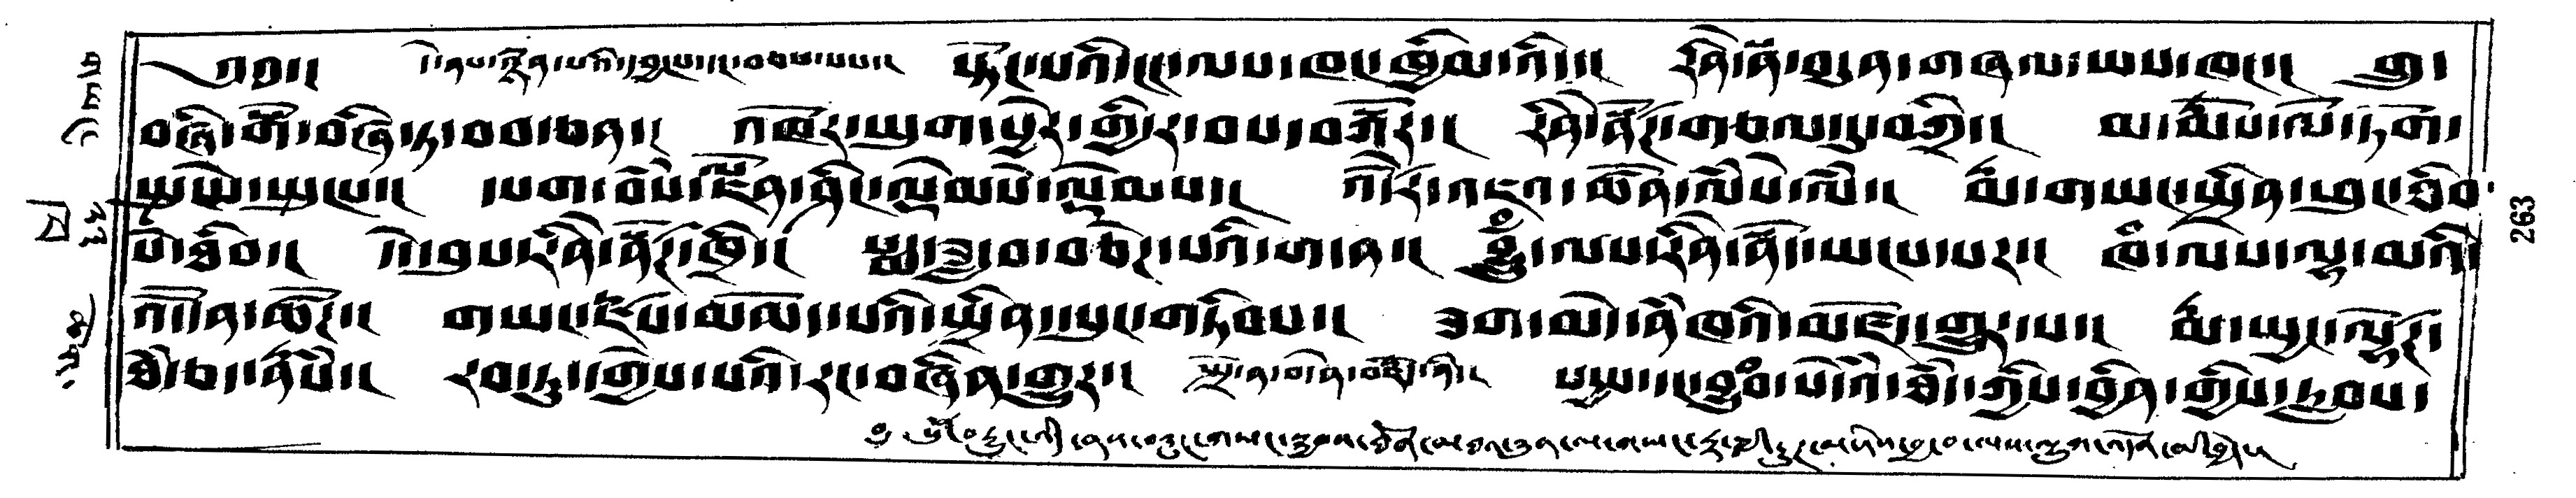དེ་ནས་སྙན་པའི་དབྱངས་དང་བཅས་པས། སྟོང་པའི་ངང་ལས་ཁང་ཁྱིམ་འདི། །རིན་ཆེན་སྣ་བདུན་གཞལ་ཡས་ཁང་། །གྲུ་
བཞི་སྒོ་བཞི་རྟ་བབས་ཅན། །ཁོར་ཡུག་གསེར་གྱི་ར་བས་བསྐོར། །རིན་ཆེན་སྣ་ཚོགས་གཅལ་དུ་བཀྲམ། །མ་རྨོས་ལོ་ཏོག་
སྤུངས་སེ་སྤུངས། དཔག་བསམ་ལྗོན་ཤིང་ལྡེམ་མེ་སྡམ། །འོད་ཟེར་འཇའ་ཚོན་ལམ་སེ་ལམ། རྨ་གཡང་སྤྲིན་ཕུང་ཐིབས་
སེ་འཐིབས། དེ་དབུས་རིན་ཆེན་སྣ་ཚོགས་ཁྲི། །པདྨ་ཟླ་བ་བཙེགས་པའི་གདན། །བྷྲུྃ་ལས་རིན་ཆེན་སྣོད་ཡངས་པར། ཁཾ་ལས་ལྷ་མའི་
འདོད་དོན་རྣམས། གཡང་རྫས་མཆོད་པའི་སྤྲིན་དཔུང་གཏིབས། །ཟག་མེད་ནམ་མཁའི་མཛོད་གྱུར་པ། །རྨ་གཡང་ལྷ་ཚོགས་
ཐམས་ཅད་རྣམས། རབ་ཏུ་དགྱེས་པའི་རང་བཞིན་གྱུར།། སྤྲོ་ན་བདེན་བརྗོད་ནི། སངས་རྒྱས་དང་བྱང་ཆུབ་སེམས་དཔའ་ཐམས་ཅད་ཀྱིས་བྱིན་གྱིས་བརླབས་